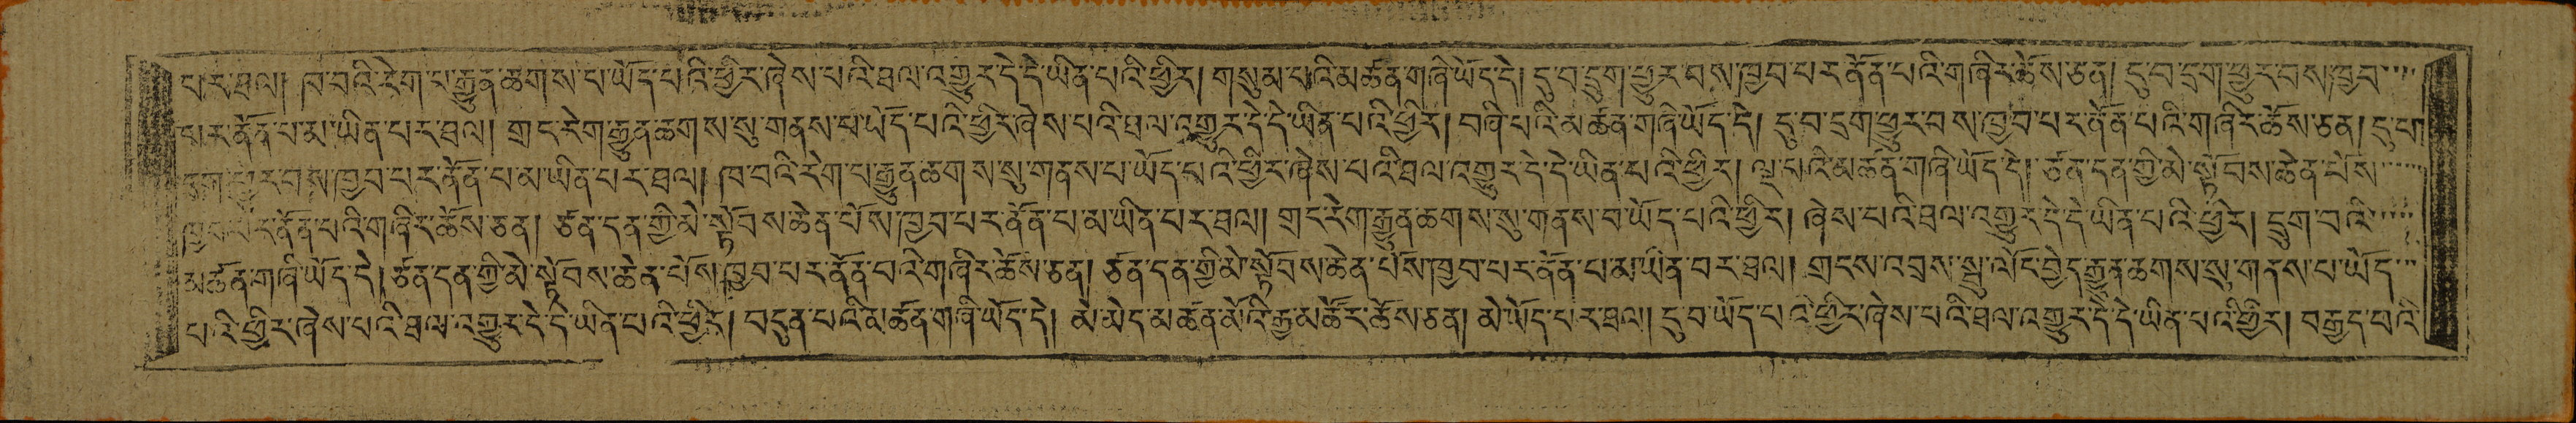པར་ཐལ། ཁ་བའི་རེག་པ་རྒྱུན་ཆགས་པ་ཡོད་པའི་ཕྱིར་ཞེས་པའི་ཐལ་འགྱུར་དེ་དེ་ཡིན་པའི་ཕྱིར། གསུམ་པའི་མཚན་གཞི་ཡོད་དེ། དུ་བ་དྲུག་ཕྱུར་བས་ཁྱབ་པར་ནོན་པའི་གཞིར་ཆོས་ཅན། དུ་བ་དྲག་ཕྱུར་བས་ཁྱབ་
པར་ནོན་པ་མ་ཡིན་པར་ཐལ། གྲང་རེག་རྒྱུན་ཆགས་སུ་གནས་པ་ཡོད་པའི་ཕྱིར་ཞེས་པའི་ཐལ་འགྱུར་དེ་དེ་ཡིན་པའི་ཕྱིར། བཞི་པའི་མཚན་གཞི་ཡོད་དེ། དུ་བ་དྲག་ཕྱུར་བས་ཁྱབ་པར་ནོན་པའི་གཞིར་ཆོས་ཅན། དུ་བ་
དྲག་ཕྱུར་བས་ཁྱབ་པར་ནོན་པ་མ་ཡིན་པར་ཐལ། ཁ་བའི་རེག་པ་རྒྱུན་ཆགས་སུ་གནས་པ་ཡོད་པའི་ཕྱིར་ཞེས་པའི་ཐལ་འགྱུར་དེ་དེ་ཡིན་པའི་ཕྱིར། ལྔ་པའི་མཚན་གཞི་ཡོད་དེ། ཙན་དན་གྱི་མེ་སྟོབས་ཆེན་པོས་
ཁྱབ་པར་ནོན་པའི་གཞིར་ཆོས་ཅན། ཙན་དན་གྱི་མེ་སྟོབས་ཆེན་པོས་ཁྱབ་པར་ནོན་པ་མ་ཡིན་པར་ཐལ། གྲང་རེག་རྒྱུན་ཆགས་སུ་གནས་པ་ཡོད་པའི་ཕྱིར། ཞེས་པའི་ཐལ་འགྱུར་དེ་དེ་ཡིན་པའི་ཕྱིར། དྲུག་པའི་
མཚན་གཞི་ཡོད་དེ། ཙན་དན་གྱི་མེ་སྟོབས་ཆེན་པོས་ཁྱབ་པར་ནོན་པའི་གཞིར་ཆོས་ཅན། ཙན་དན་གྱི་མེ་སྟོབས་ཆེན་པོས་ཁྱབ་པར་ནོན་པ་མ་ཡིན་པར་ཐལ། གྲངས་འབྲས་སྦུ་ལོང་བྱེད་རྒྱུན་ཆགས་སུ་གནས་པ་ཡོད་
པའི་ཕྱིར་ཞེས་པའི་ཐལ་འགྱུར་དེ་དེ་ཡིན་པའི་ཕྱིར། བདུན་པའི་མཚན་གཞི་ཡོད་དེ། མེ་མེད་མཚན་མོའི་རྒྱ་མཚོར་ཆོས་ཅན། མེ་ཡོད་པར་ཐལ། དུ་བ་ཡོད་པའི་ཕྱིར་ཞེས་པའི་ཐལ་འགྱུར་དེ་དེ་ཡིན་པའི་ཕྱིར། བརྒྱད་བའི་